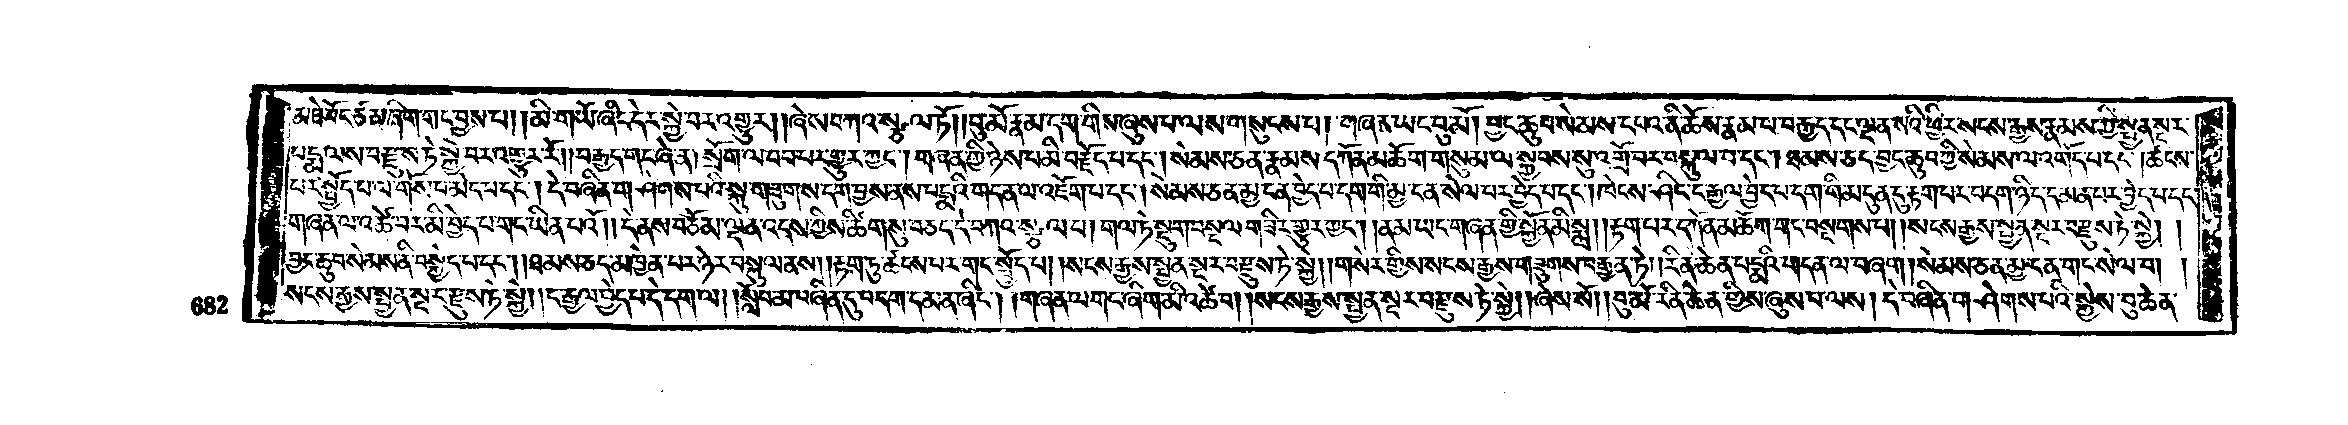མཐེ་བོང་ཙམ་ཞིག་གང་བྱས་པ། །མི་གཡོ་ཞིང་དེར་སྐྱེ་བར་འགྱུར། །ཞེས་བཀའ་སྩལ་ཏོ། །བུ་མོ་རྣམ་དག་གིས་ཞུས་པ་ལས་གསུངས་པ། གཞན་ཡང་བུ་མོ། བྱང་ཆུབ་སེམས་དཔའ་ནི་ཆོས་རྣམ་པ་བརྒྱད་དང་ལྡན་སའི་ཕྱིར་སངས་རྒྱས་རྣམས་ཀྱི་སྤྱན་སྔར་
པདམ་ལས་བརྫུས་ཏེ་སྐྱེ་བར་འགྱུར་རོ། །བརྒྱད་གང་ཞེ་ན། སྲོག་ལ་བབ་པར་གྱུར་ཀྱང་། གཞན་གྱི་ཉེས་པ་མི་བརྗོད་པ་དང་། སེམས་ཅན་རྣམས་དཀོན་མཆོག་གསུམ་ལ་སྐྱབས་སུ་འགྲོ་བར་བསྐུལ་བ་དང་། ཐམས་ཅད་བྱང་ཆུབ་ཀྱི་སེམས་ལ་འགོད་པ་དང་། ཚངས་
པར་སྤྱོད་པ་ལ་གོས་པ་མེད་པ་དང་། དེ་བཞིན་གཤེགས་པའི་སྐུ་གཟུགས་དག་བྱས་ནས་པདམའི་གདན་ལ་འཇོག་པ་དང་། སེམས་ཅན་མྱ་ངན་བྱེད་པ་དག་གི་མྱ་ངན་སེལ་བར་བྱེད་པ་དང་། ཁེངས་ཤིང་ང་རྒྱལ་བྱེད་པ་དག་གི་མདུན་དུ་རྟག་པར་བདག་ཉིད་དམན་པར་བྱེད་པ་དང་
གཞན་ལ་འཚེ་བར་མི་བྱེད་པ་གང་ཡིན་པའོ། །དེ་ནས་བཅོམ་ལྡན་འདས་ཀྱིས་ཚིགས་སུ་བཅད་དེ་བཀའ་སྩལ་པ། གལ་ཏེ་སྡུག་བསྔལ་གཟིར་གྱུར་ཀྱང་། །ནམ་ཡང་གཞན་གྱི་སྐྱོན་མི་སྨྲ། །རྟག་པར་དཀོན་མཆོག་གང་བསྔགས་པ། །སངས་རྒྱས་སྤྱན་སྔར་བརྫུས་ཏེ་སྐྱེ། །
བྱང་ཆུབ་སེམས་ནི་བསྐྱེད་པ་དང་། །ཐམས་ཅད་མཁྱེན་པར་ཉེར་བསྐུལ་ནས། །རྟག་ཏུ་ཚངས་པར་གང་སྤྱོད་པ། །སངས་རྒྱས་སྤྱན་སྔར་བརྫུས་ཏེ་སྐྱེ། །གསེར་གྱིས་སངས་རྒྱས་གཟུགས་བརྒྱན་ཏེ། །རིན་ཆེན་པདམའི་གདན་ལ་བཞག །སེམས་ཅན་མྱ་ངན་གང་སེལ་བ། །
སངས་རྒྱས་སྤྱན་སྔར་རྫུས་ཏེ་སྐྱེ། །ང་རྒྱལ་བྱེད་པ་དེ་དག་ལ། །སློབ་མ་བཞིན་དུ་བདག་དམན་ཞིང་། །གཞན་ལ་གང་ཞིག་མི་འཚེ་བ། །སངས་རྒྱས་སྤྱན་སྔར་བརྫུས་ཏེ་སྐྱེ། །ཞེས་སོ། །བུ་མོ་རིན་ཆེན་གྱིས་ཞུས་པ་ལས། དེ་བཞིན་གཤེགས་པའི་སྐྱེས་བུ་ཆེན་